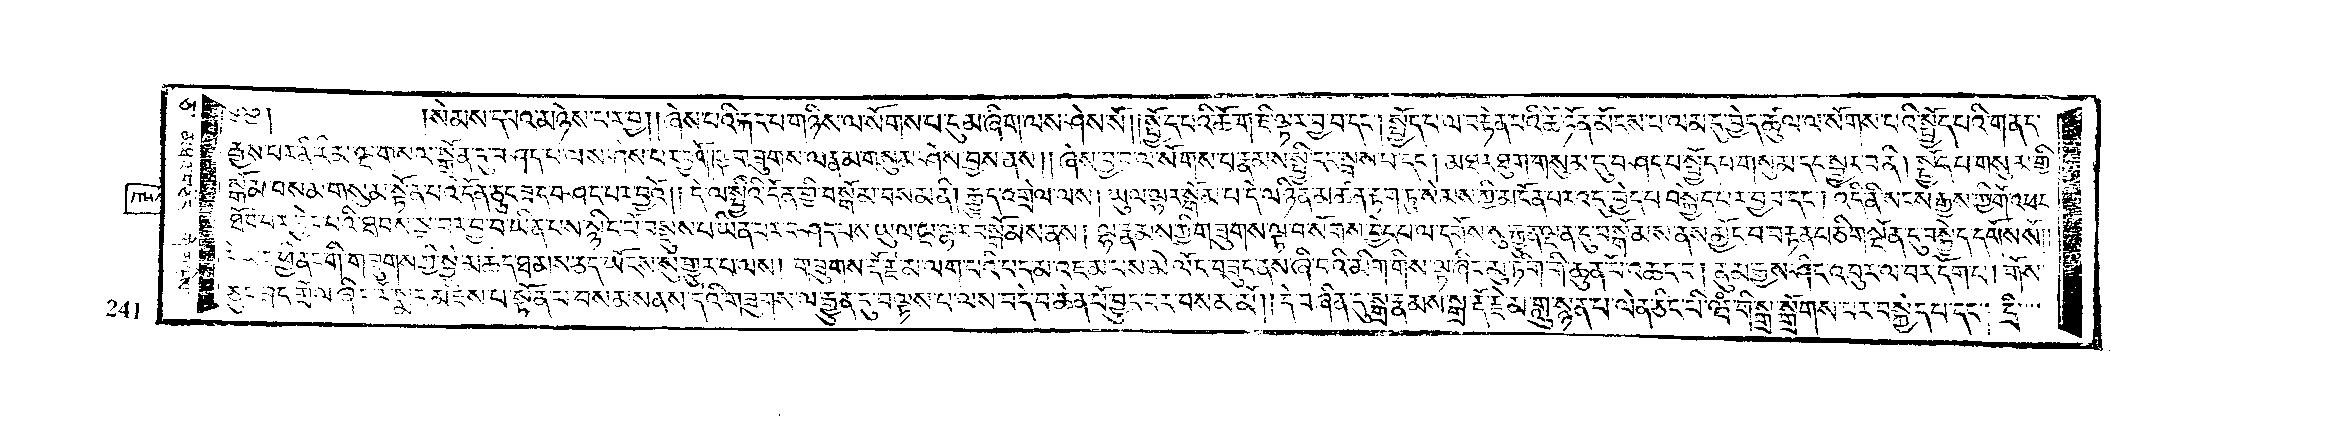༄༅། །སེམས་དཔའ་མཉེས་པར་བྱ། །ཞེས་པའི་རྐང་པ་གཉིས་ལ་སོགས་པ་དུ་མ་ཞིག་ལས་ཤེས་སོ། །སྤྱོད་པའི་ཆོ་ག་ཇི་ལྟར་བྱ་བ་དང་། སྤྱོད་པ་ལ་བརྟེན་པའི་ཚེ་ཉོན་མོངས་པ་ལམ་དུ་བྱེད་ཚུལ་ལ་སོགས་པའི་སྤྱོད་པའི་གནད་
རྒྱས་པར་ནི་རིམ་ལྔ་གསལ་སྒྲོན་དུ་བཤད་པ་ལས་ཤེས་པར་བྱའོ།། ༈ གཟུགས་ལ་རྣམ་གསུམ་ཤེས་བྱས་ནས། །ཞེས་བྱ་བ་ལ་སོགས་པ་རྣམས་སྤྱི་དང་སྦས་པ་དང་། མཐར་ཐུག་གསུམ་དུ་བཤད་པ་སྤྱོད་པ་གསུམ་དང་སྦྱར་བ་ནི། སྤྱོད་པ་གསུམ་གྱི་
སྒོམ་བསམ་གསུམ་སྟོན་པའི་དོན་ཅུང་ཟད་བཤད་པར་བྱའོ། །དེ་ལ་སྤྱིའི་དོན་གྱི་བསྒོམ་བསམ་ནི། རྒྱུད་འགྲེལ་ལས། ཡུལ་ལྷར་སྒོམ་པ་དེ་ལ་ཉིན་མཚན་རྟག་ཏུ་སེམས་ཀྱི་མངོན་པར་འདུ་བྱེད་པ་བསྐྱེད་པར་བྱ་བ་དང་། འདི་ནི་སངས་རྒྱས་ཀྱི་གོ་འཕང་
ཐོབ་པར་བྱེད་པའི་ཐབས་སྦ་བར་བྱ་བ་ཡིན་པས་སྙིང་པོ་བསྡུས་པ་ཡིན་པར་བཤད་པས་ཡུལ་ལྔ་ལྷར་བསྒོམས་ནས། ལྷ་རྣམས་ཀྱི་གཟུགས་ལྟ་བ་སོགས་བྱེད་པ་ལ་དགོས་སུ་རྒྱུན་ལྡན་དུ་བསྒོམས་ནས་མྱོང་བ་བརྟན་པ་ཅིག་སྔོན་དུ་བསྐྱེད་དགོས་སོ།།
དེ་ཡང་ཕྱི་ནང་གི་གཟུགས་ཀྱི་སྐྱེ་མཆེད་ཐམས་ཅད་ཡོངས་སུ་གྱུར་པ་ལས། གཟུགས་རྡོ་རྗེ་མ་ལག་པའི་པད་མ་འཇམ་པས་མེ་ལོང་བཟུང་ནས་ཞི་བའི་མིག་གིས་ལྟ་ཞིང་མུ་ཏིག་གི་ཚུན་པོ་འཆང་བ། ནུ་མ་རྒྱས་ཤིང་འབུར་ལ་བར་དོག་པ། གོས་
ཅུང་ཟད་གྲོལ་ཞིང་རོ་སྨད་མཛེས་པ་སྟོན་པ་བསམས་ནས་དེའི་གཟུགས་ལ་རྒྱུན་དུ་བལྟས་པ་ལས་བདེ་བ་ཆེན་པོ་བྱུང་བར་བསམ་མོ། །དེ་བཞིན་དུ་སྒྲ་རྣམས་སྒྲ་རྡོ་རྗེ་མ་གླུ་སྙན་པ་ལེན་ཅིང་པི་ཝཾ་གི་སྒྲ་སྒྲོགས་པར་བསྐྱེད་པ་དང་། དྲི་